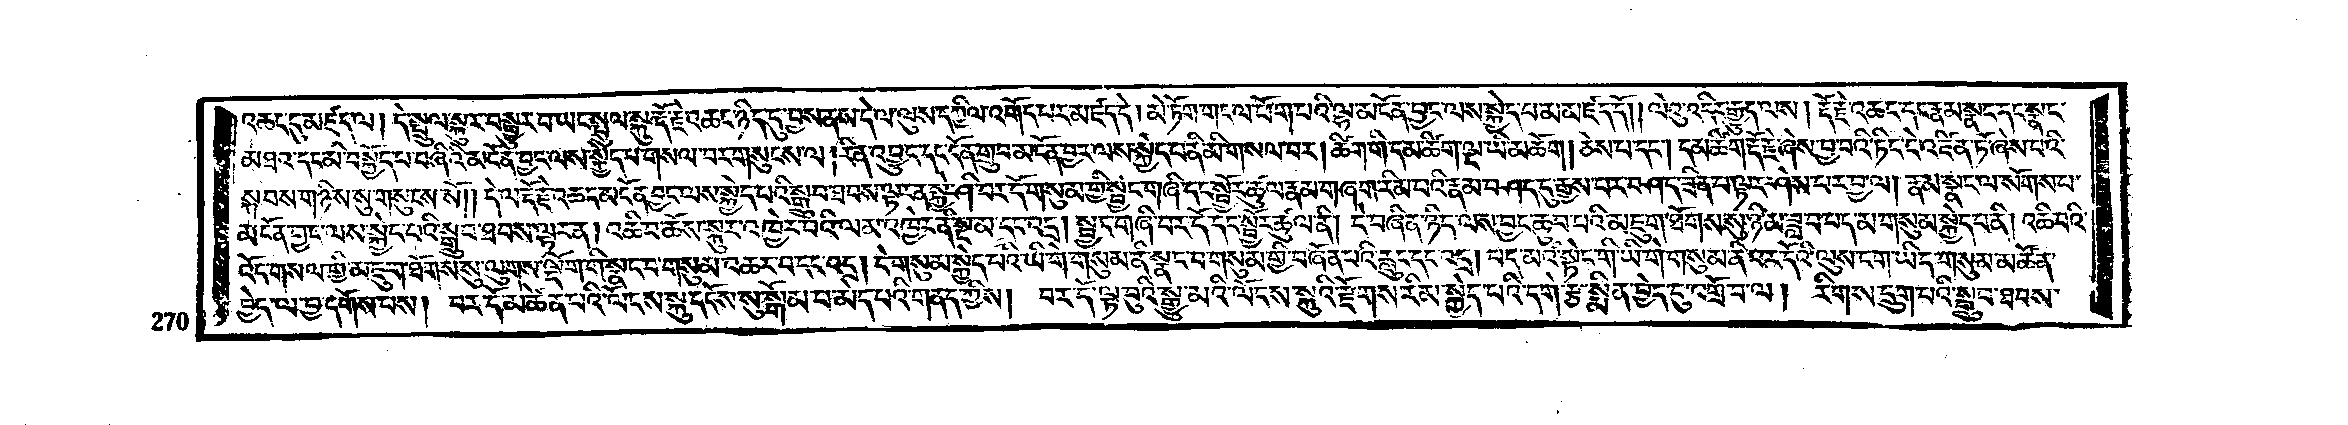འཆང་དུ་མཛད་ལ། དེ་སྤྲུལ་སྐུར་བསྒྱུར་བ་ཡང་སྤྲུལ་སྐུ་རྡོ་རྗེ་འཆང་ཉིད་དུ་བྱས་ནས་དེ་ལ་ལུས་དཀྱིལ་འགོད་པར་མཛད་དེ། མེ་ཏོག་གང་ལ་ཕོག་པའི་ལྷ་མངོན་བྱང་ལས་སྐྱེད་པ་མ་མཛད་དོ། །ལེའུ་འདིར་རྒྱུད་ལས། རྡོ་རྗེ་འཆང་དང་རྣམ་སྣང་དང་སྣང་
མཐའ་དང་མི་བསྐྱོད་པ་བཞིའི་མངོན་བྱང་ལས་སྐྱེད་པ་གསལ་བར་གསུངས་ལ། རིན་འབྱུང་དང་དོན་གྲུབ་མངོན་བྱང་ལས་སྐྱེད་པ་ནི་མི་གསལ་བར། ཚིག་གི་དམ་ཚིག་ལྔ་ཡི་མཆོག །ཅེས་པ་དང་། དམ་ཚིག་རྡོ་རྗེ་ཞེས་བྱ་བའི་ཏིང་ངེ་འཛིན་ཏོ་ཞེས་པའི་
སྐབས་གཉིས་སུ་གསུངས་སོ། །དེ་ལ་རྡོ་རྗེ་འཆང་མངོན་བྱང་ལས་སྐྱེད་པའི་སྒྲུབ་ཐབས་ལྟར་ན་སྐྱེ་ཤི་བར་དོ་གསུམ་གྱི་སྦྱང་གཞི་དང་སྦྱོར་ཚུལ་རྣམ་གཞག་རིམ་པའི་རྣམ་བཤད་དུ་རྒྱས་པར་བཤད་ཟིན་པ་ལྟར་ཤེས་པར་བྱ་ལ། རྣམ་སྣང་ལ་སོགས་པ་
མངོན་བྱང་ལས་སྐྱེད་པའི་སྒྲུབ་ཐབས་ལྟར་ན། འཆི་བ་ཆོས་སྐུར་འཁྱེར་བའི་ལམ་འཁྱེར་ནི་སྔ་མ་དང་འདྲ། སྦྱང་གཞི་བར་དོ་དང་སྦྱོར་ཚུལ་ནི། དེ་བཞིན་ཉིད་ལས་བྱང་ཆུབ་པའི་མཇུག་ཐོགས་སུ་ཉི་མ་ཟླ་བ་པད་མ་གསུམ་སྐྱེད་པ་ནི། འཆི་བའི་
འོད་གསལ་གྱི་མཇུག་ཐོགས་སུ་ལུགས་ལྡོག་གི་སྣང་བ་གསུམ་འཆར་བ་དང་འདྲ། དེ་གསུམ་སྐྱེད་པའི་ཡི་གེ་གསུམ་ནི་སྣང་བ་གསུམ་གྱི་བཞོན་པའི་རླུང་དང་འདྲ། པད་མའི་སྟེང་གི་ཡི་གེ་གསུམ་ནི་བར་དོའི་ལུས་ངག་ཡིད་གསུམ་མཚོན་
བྱེད་ལ་བྱ་དགོས་པས། བར་དོ་མཚོན་པའི་ལོངས་སྐུ་དངོས་སུ་སྒོམ་པ་མེད་པའི་གནད་ཀྱིས། བར་དོ་ལྟ་བུའི་སྒྱུ་མའི་ལོངས་སྐུའི་རྫོགས་རིམ་སྐྱེད་པའི་དགེ་རྩ་སྨིན་བྱེད་དུ་འགྲོ་བ་ལ། རིགས་དྲུག་པའི་སྒྲུབ་ཐབས་